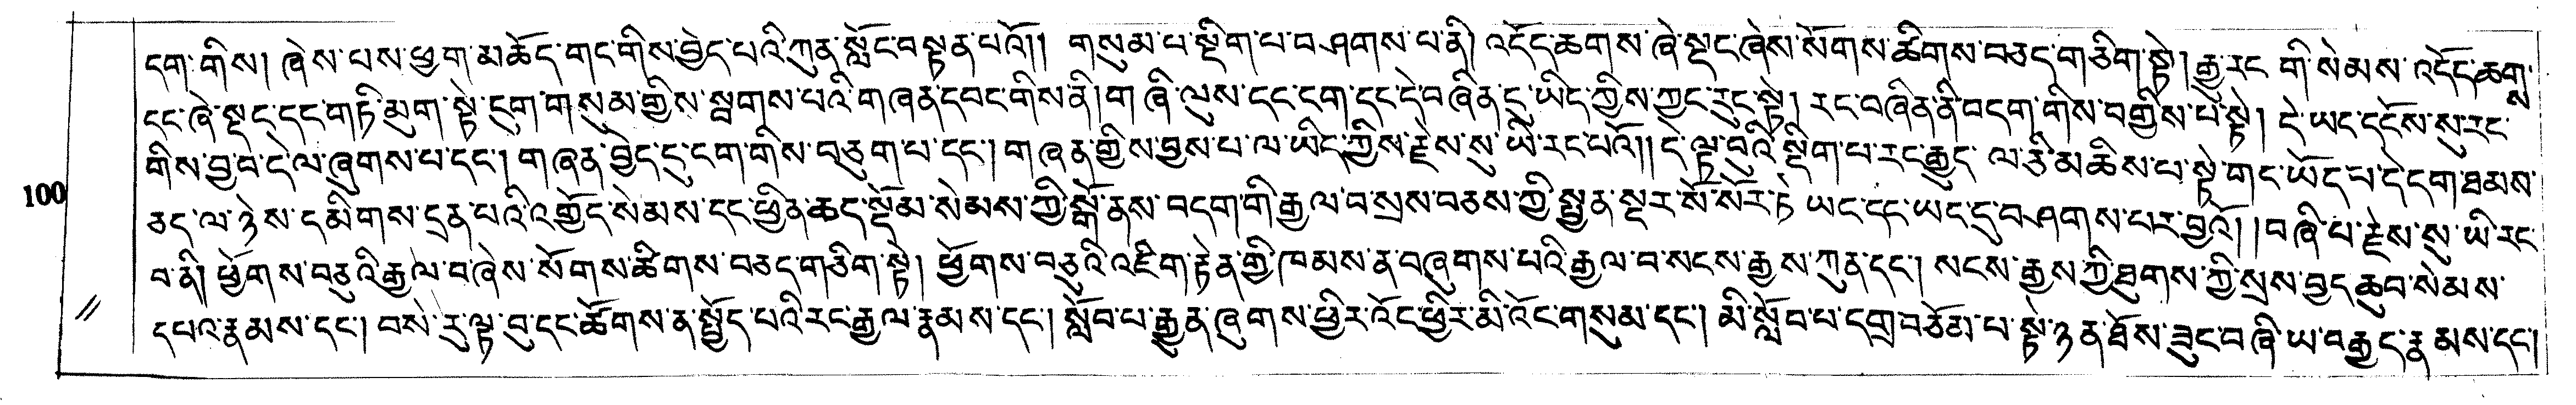དག་གིས། ཞེས་པས་ཕྱག་མཆོད་གང་གིས་བྱེད་པའི་ཀུན་སློང་བསྟན་པའོ། གསུམ་པ་སྡིག་པ་བཤགས་པ་ནི། འདོད་ཆགས་ཞེ་སྡང་ཞེས་སོགས་ཚིགས་བཅད་གཅིག་སྟེ། རྒྱུ་རང་གི་སེམས་འདོད་ཆགས་
དང་ཞེ་སྡང་དང་གཏི་མུག་སྟེ་དུག་གསུམ་གྱིས་སྦགས་པའི་གཞན་དབང་གིས་ནི། གཞི་ལུས་དང་ངག་དང་དེ་བཞིན་དུ་ཡིད་ཀྱིས་ཀྱང་རུང་སྟེ། རང་བཞིན་ནི་བདག་གིས་བགྱིས་པ་སྟེ། དེ་ཡང་དངོས་སུ་རང་
གིས་བྱ་བ་དེ་ལ་ཞུགས་པ་དང་། གཞན་བྱེད་དུ་ངག་གིས་བཅུག་པ་དང་། གཞན་གྱིས་བྱས་པ་ལ་ཡིད་ཀྱིས་རྗེས་སུ་ཡི་རང་པའོ། །དེ་ལྟ་བུའི་སྡིག་པ་རང་རྒྱུད་ལ་ཅི་མཆིས་པ་སྟེ་གང་ཡོད་པ་དེ་དག་ཐམས་
ཅད་ལ་ཉེས་དམིགས་དྲན་པའི་འགྱོད་སེམས་དང་ཕྱིན་ཆད་སྡོམ་སེམས་ཀྱི་སྒོ་ནས་བདག་གི་རྒྱལ་བ་སྲས་བཅས་ཀྱི་སྤྱན་སྔར་སོ་སོར་ཏེ་ཡང་དང་ཡང་དུ་བཤགས་པར་བྱའོ། །བཞི་པ་རྗེས་སུ་ཡི་རང་
བ་ནི། ཕྱོགས་བཅུའི་རྒྱལ་བ་ཞེས་སོགས་ཚིགས་བཅད་གཅིག་སྟེ། ཕྱོགས་བཅུའི་འཇིག་རྟེན་གྱི་ཁམས་ན་བཞུགས་པའི་རྒྱལ་བ་སངས་རྒྱས་ཀུན་དང་། སངས་རྒྱས་ཀྱི་ཐུགས་ཀྱི་སྲས་བྱང་ཆུབ་སེམས་
དཔའ་རྣམས་དང་། བསེ་རུ་ལྟ་བུ་དང་ཚོགས་ན་སྤྱོད་པའི་རང་རྒྱལ་རྣམས་དང་། སློབ་པ་རྒྱུ་ཞུགས་ཕྱིར་འོང་ཕྱིར་མི་འོང་གསུམ་དང་། མི་སློབ་པ་དགྲ་བཅོམ་པ་སྟེ་ཉན་ཐོས་ཟུང་བཞི་ཡ་བརྒྱད་རྣམས་དང་།